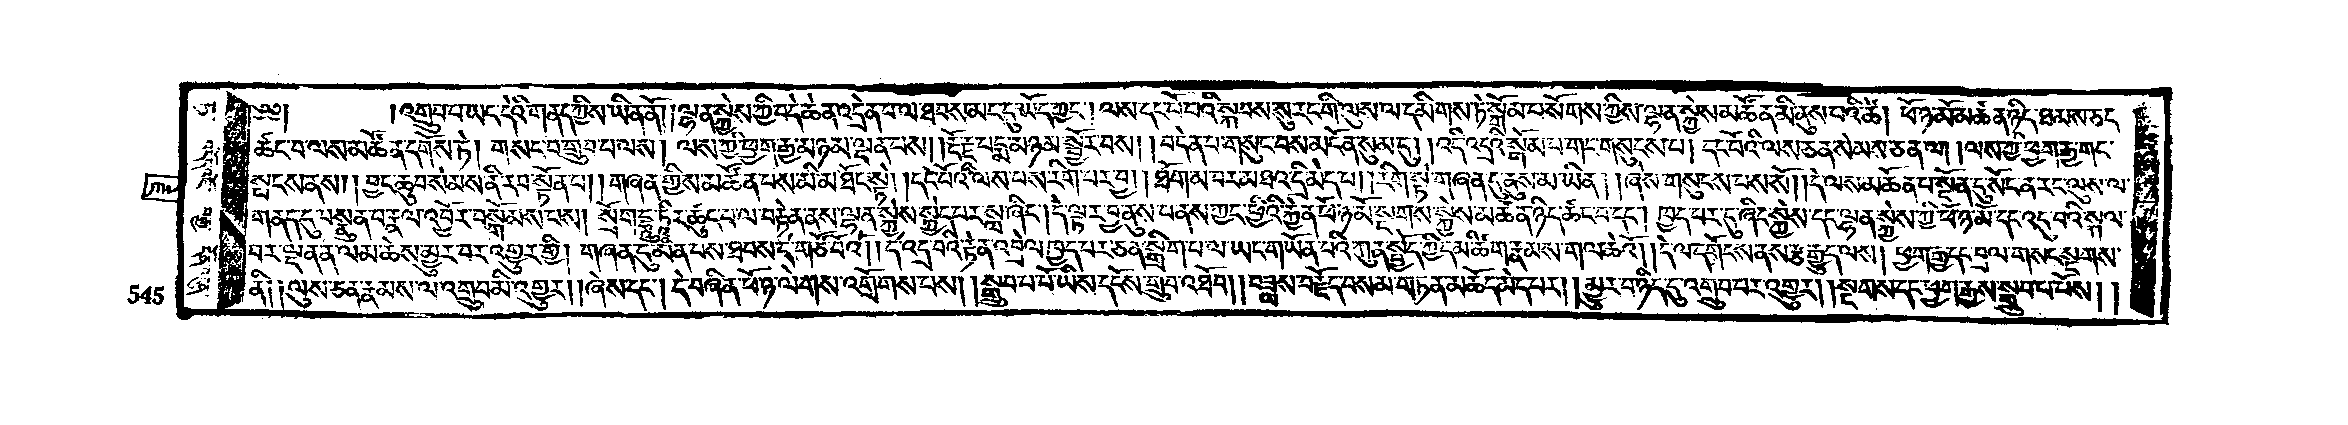༄༅། །འགྲུབ་པ་ཡང་དེའི་གནད་ཀྱིས་ཡིན་ནོ། །ལྷན་སྐྱེས་ཀྱི་བདེ་ཆེན་འདྲེན་པ་ལ་ཐབས་མང་དུ་ཡོད་ཀྱང་། ལས་དང་པོ་པའི་སྐབས་སུ་རང་གི་ལུས་ལ་དམིགས་ཏེ་སྒོམ་པ་སོགས་ཀྱིས་ལྷན་སྐྱེས་མཚོན་མི་ནུས་པའི་ཚེ། ཕོ་ཉ་མོ་མཚན་ཉིད་ཐམས་ཅད་
ཚང་བ་ལས་མཚོན་དགོས་ཏེ། གསང་བ་གྲུབ་པ་ལས། ལས་ཀྱི་ཕྱག་རྒྱ་མཉམ་ལྡན་པས། །རྡོ་རྗེ་པདམ་མཉམ་སྦྱོར་བས། །བདེན་པ་གསུང་བས་མངོན་སུམ་དུ། །འདི་འདྲའི་སྒོམ་པ་གང་གསུངས་པ། དང་པོའི་ལས་ཅན་སེམས་ཅན་ལ། །ལས་ཀྱི་ཕྱག་རྒྱ་གང་
སྤངས་ནས། བྱང་ཆུབ་སེམས་ནི་རབ་སྟོན་པ། །གཞན་གྱིས་མཚོན་པས་མི་མཐོང་སྟེ། །དང་པོའི་ལས་པས་རིག་པར་བྱ། །ཐོག་མ་བར་མཐའ་དྲི་མེད་པ། །རིག་སྟེ་གཞན་དུ་ནུས་མ་ཡིན། །ཞེས་གསུངས་པས་སོ། །དེ་ལས་མཚོན་པ་སྔོན་དུ་སོང་ན་རང་ལུས་ལ་
གནད་དུ་བསྣུན་པ་རྣལ་འབྱོར་བསྒོམས་པས། སྲོག་དྷཱུ་ཏཱིར་ཚུད་པ་ལ་བརྟེན་ནས་ལྷན་སྐྱེས་སྐྱེད་པར་སླ་ཞིང་། དེ་ལྟར་བྱ་ནུས་པ་ནས་ཀྱང་ཕྱིའི་རྐྱེན་ཕོ་ཉ་མོ་སྔགས་སྐྱེས་མཚན་ཉིད་ཚང་བ་དང་། ཁྱད་པར་དུ་ཞིང་སྐྱེས་དང་ལྷན་སྐྱེས་ཀྱི་ཕོ་ཉ་མོ་དང་འདུ་བའི་སྐལ་
བར་ལྡན་ན་ལམ་ཆེས་མྱུར་བར་འགྱུར་གྱི། གཞན་དུ་མིན་པས་ཐབས་དེ་གཙོ་བོའོ། །དེ་འདྲ་བའི་རྟེན་འབྲེལ་ཁྱད་པར་ཅན་སྒྲིག་པ་ལ་ཡང་གཡོན་པའི་ཀུན་སྤྱོད་ཀྱི་དམ་ཚིག་རྣམས་གལ་ཆེའོ། །དེ་ལ་དགོངས་ནས་རྩ་རྒྱུད་ལས། ཕྱག་རྒྱ་དང་བྲལ་གསང་སྔགས་
ནི། །ལུས་ཅན་རྣམས་ལ་འགྲུབ་མི་འགྱུར། །ཞེས་དང་། དེ་བཞིན་ཕོ་ཉ་ལེགས་འགྲོགས་པས། །སྒྲུབ་པ་པོ་ཡིས་དངོས་གྲུབ་འཐོབ། །བཟླས་བརྗོད་བསམ་གཏན་མཆོད་མེད་པར། །མྱུར་བ་ཉིད་དུ་འགྲུབ་པར་འགྱུར། །སྔགས་དང་ཕྱག་རྒྱས་སྒྲུབ་པ་པོས། །